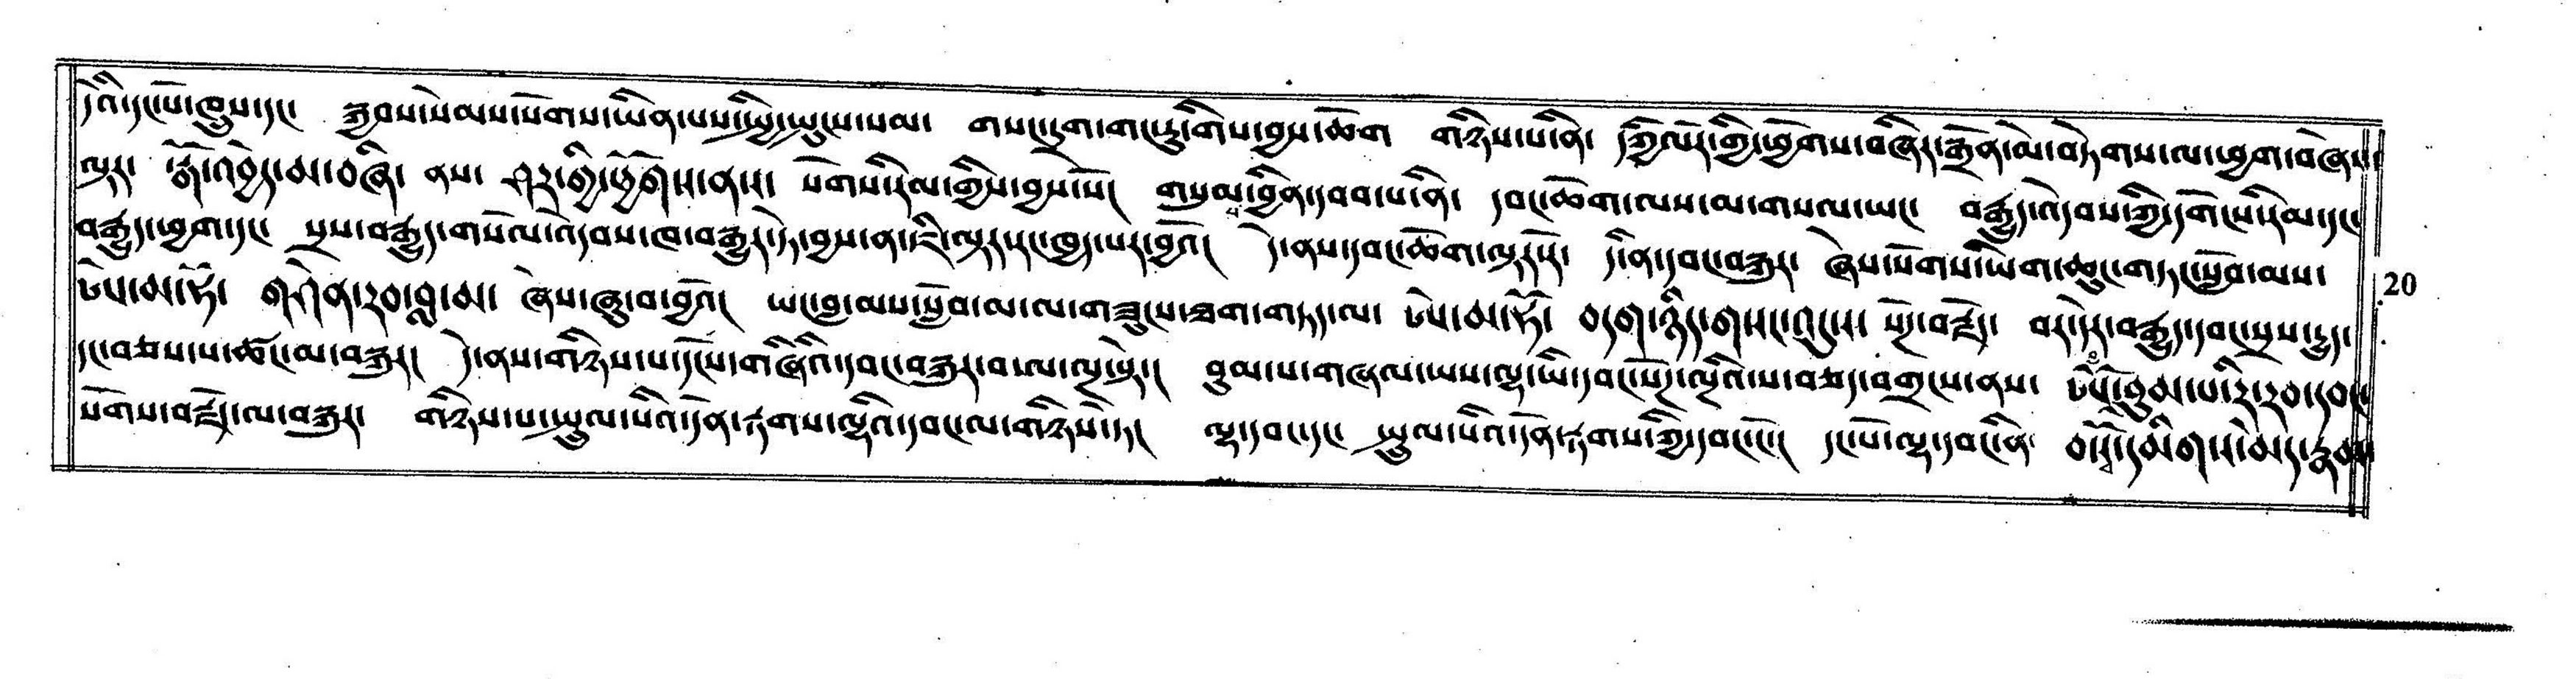དེའི་དང་པོ་ཁྲུས་དང་། སྐྱབས་སེམས་སོགས་ཡིན་པས་སྤྱི་སྤུངས་སམ། གསང་དྲག་གང་རུང་གིས་བྱས་ཆོག གཉིས་པ་ནི་དཀྱིལ་འཁོར་གྱི་ཕྱོགས་བཞིར་སྒྲོན་མེ་བཏེགས་ལ་ཕྱག་བཞེས་
ལྟར། སྒོ་འབྱེད་མ་བཞི། ནས། ཤར་གྱི་ཕྱོགས་ནས། སོགས་རིམ་གྱིས་བྱས་སོ། གསུམ་པ་བྱིན་དབབ་པ་ནི། དབང་ཆོག་ལས་མ་གསལ་ཡང་། བརྒྱུད་འདེབས་ཀྱི་དགོངས་རིམ་དང་
བརྒྱུད་ཕྱག་དང་། སྲས་བརྒྱུད་གསོལ་འདེབས་ཁ་བསྒྱུར་ཏེ་བྱས་ན་ཇི་ལྟར་རང་ཁྱད་པར་བྱའོ། དེ་ནས་དབང་ཆོག་ལྟར་རོ། ད་ནི་དབང་བསྐུར། ཞེས་སོགས་ཡིག་ཆུང་གཏང་སློབ་མས་
ཨེ་མ་ཧོ། གཤེན་རབ་བླ་མ། ཞེས་ཞུ་བ་བྱའོ། ཡང་བླ་མས་སློབ་མ་ལ་གཟུངས་ཐག་གཏད་ལ། ཨེ་མ་ཧོ། བདག་ཉིད་གསང་འདུས། སོགས་བརྗོད། བར་དེར་བརྒྱུད་དབང་སྲས་རྒྱུད་
དང་བཅས་པ་ཚང་མ་བསྐུར། དེ་ནས་གཉིས་པ་དངོས་གཞིའི་དབང་བསྐུར་བ་ལ་ལྔ་སྟེ། བུམ་པ་གཞལ་ཡས་ལྷ་ཡི་དབང་སོགས་ལྔའི་ས་བཅད་བགྲངས་ནས། ཨཱོཾ་བུམ་པ་རི་རབ་དབང་
སོགས་བརྗོད་ལ་བསྐུར། གཉིས་པ་སྤྲུལ་པའི་དོན་རྟགས་ལྷའི་དབང་ལ་གཉིས་ཏེ། ལྷ་དབང་དང་། སྤྲུལ་པའི་དོན་རྟགས་ཀྱི་དབང་ངོ་། དང་པོ་ལྷ་དབང་ནི། བསྭོ་དམིགས་མེད་རྣམ་